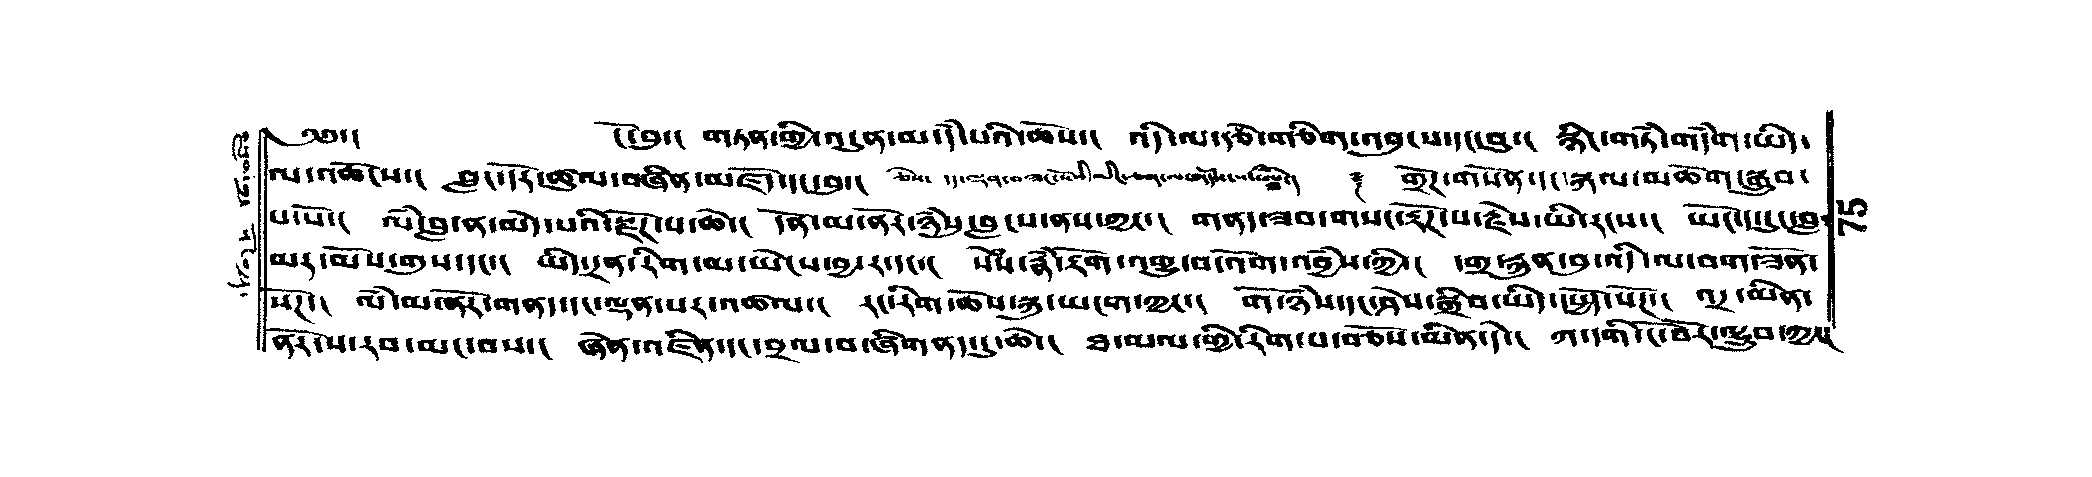ངོ་བུ། །གཏན་གྱི་བདུན་མ་དམ་པའི་ཆོས། །འདི་ལ་རྩེ་གཅིག་འབུངས་དང་བུ། །སྙིང་གཏམ་གདམས་ངག་ཡིད་
ལ་འཆོངས། །བླང་དོར་ཚུལ་བཞིན་མཛོད་དང་བུ། །ཞེས་དད་ལྡན་བཟང་པོའི་མིང་ཅན་ལ་གདམས་པ་ ི། ༈ གྲོགས་གསོན་དང་སྐལ་མཆོག་སྒྲུབ་
པ་པོ། །ལམ་བླ་ན་མེད་པའི་རྫོགས་པ་ཆེ། །དོན་མ་ནོར་ཉམས་སུ་བླངས་ནས་ཀྱང་། །གནད་ཟབ་གསང་རྟོགས་པ་རྗེས་ཡི་རང་། །ཡང་ད་དུང་བླ་
མར་མོས་གུས་དང་། །ཡིད་དྲན་རིག་མ་ཡེངས་བྱ་ར་དང་། །1$10002201$1000180སེམས་རྣམ་རྟོག་འགྱུ་བ་འོག་འབྱམས་ཀྱི། །དགྲ་རྐུན་བུ་འདི་ལ་བག་ཟོན་
སོགས། །ལམ་མ་ནོར་གནད་དང་ལྡན་པར་འཚལ། །རང་རིག་ཆོས་སྐུ་ཡང་དག་ཀྱང་། །གོ་ཉམས་དང་ཤེས་སྒྲིབ་ཡིད་དཔྱོད་སོགས། །འདྲ་མིན་
ནོར་ས་རབ་མང་བས། །ཞེན་འཛིན་དང་བྲལ་བ་ཞིག་གནད་དུ་ཆེ། །ཐ་མལ་གྱི་རིག་པ་བཅོས་མིན་དེ། །ཀ་དག་གི་ངོ་བོར་ལྷུན་གྲུབ་ཀྱང་། །